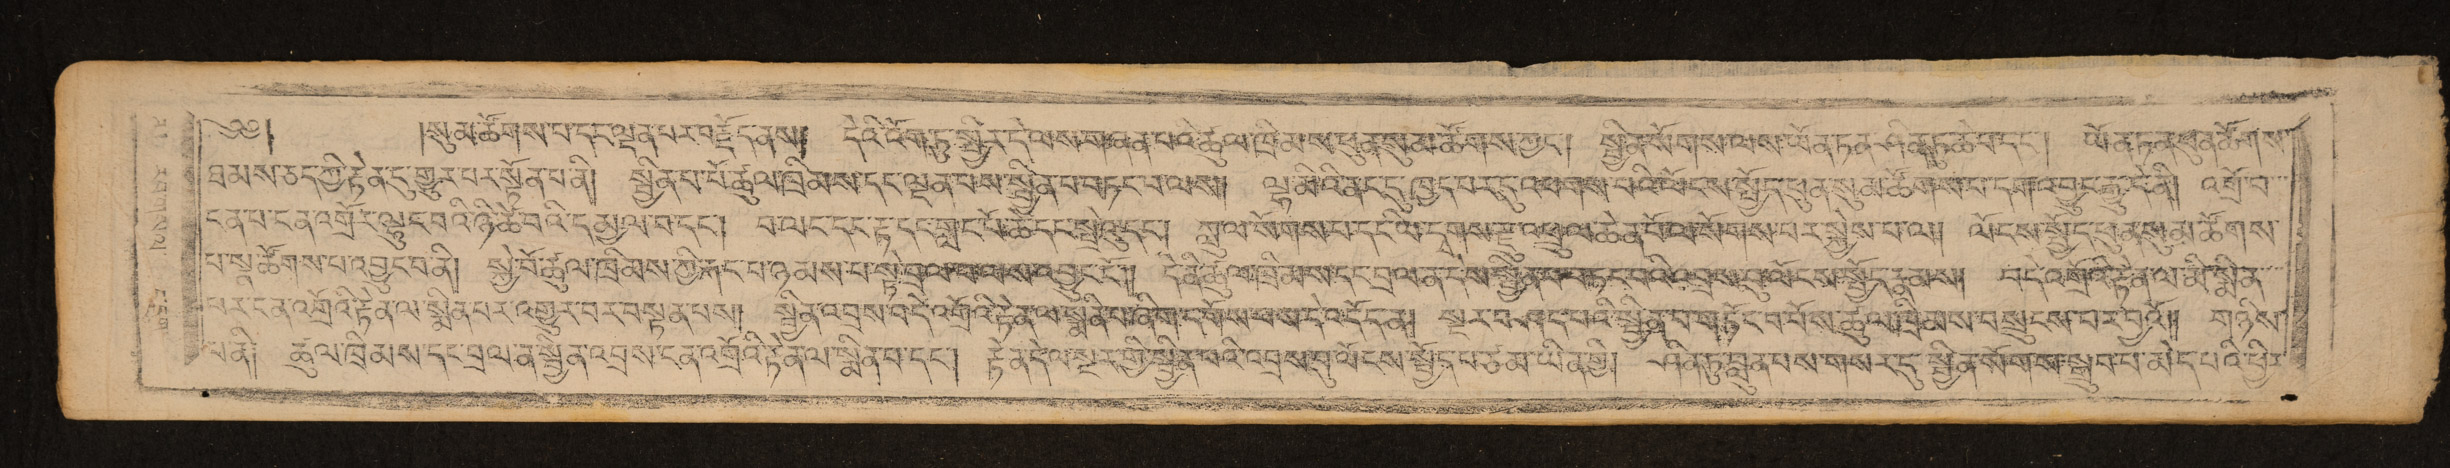༄༅། །སུམ་ཚོགས་པ་དང་ལྡན་པར་བརྗོད་ནས། དེའི་འོག་ཏུ་སྤྱིར་དེ་ལས་གཞན་པའི་ཚུལ་ཁྲིམས་ཕུན་སུམ་ཚོགས་ཀྱང་། སྦྱིན་སོགས་ལས་ཡོན་ཏན་ཤིན་ཏུ་ཆེ་བ་དང་། ཡོན་ཏན་ཕུན་ཚོགས་
ཐམས་ཅད་ཀྱི་རྟེན་དུ་གྱུར་པར་སྟོན་པ་ནི། སྦྱིན་པ་པོ་ཚུལ་ཁྲིམས་དང་ལྡན་པས་སྦྱིན་པ་བཏང་བ་ལས། ལྷ་མིའི་ནང་དུ་ཁྱད་པར་དུ་འཕགས་པའི་ལོངས་སྤྱོད་ཕུན་སུམ་ཚོགས་པ་དག་འབྱུང་རྒྱུ་དེ་ནི། འགྲོ་བ་
ངན་པ་ངན་འགྲོར་ལྷུང་བའི་ཉི་ཚེ་བའི་དམྱལ་བ་དང་། བ་ལང་དང་རྟ་དང་གླང་པོ་ཆེ་དང་སྤྲེའུ་དང་། ཀླུ་ལ་སོགས་པ་དང་ཡི་དྭགས་རྫུ་འཕྲུལ་ཆེན་པོ་ལ་སོགས་པར་སྐྱེས་པ་ལ། ལོངས་སྤྱོད་ཕུན་སུམ་ཚོགས་
པ་སྣ་ཚོགས་པ་འབྱུང་བ་ནི། སྐྱེ་བོ་ཚུལ་ཁྲིམས་ཀྱི་རྐང་པ་ཉམས་པ་སྟེ་བྲལ་བ་ལས་འབྱུང་ངོ།། དེ་ནི་ཚུལ་ཁྲིམས་དང་བྲལ་ན་དེས་སྦྱིན་པ་བཏང་བའི་འབྲས་བུ་ལོངས་སྤྱོད་རྣམས། བདེ་འགྲོའི་རྟེན་ལ་མི་སྨིན་
པར་ངན་འགྲོའི་རྟེན་ལ་སྨིན་པར་འགྱུར་བར་བསྟན་པས། སྦྱིན་འབྲས་བདེ་འགྲོའི་རྟེན་ལ་སྨིན་པ་ཞིག་དགོས་པས་དེ་འདོད་ན། སྔར་བཤད་པའི་སྦྱིན་པ་གཏོང་བ་པོས་ཚུལ་ཁྲིམས་བསྲུངས་པར་བྱའོ།། གཉིས་
པ་ནི༑ ཚུལ་ཁྲིམས་དང་བྲལ་ན་སྦྱིན་འབྲས་ངན་འགྲོའི་རྟེན་ལ་སྨིན་པ་དང་། རྟེན་དེ་ལ་སྔར་གྱི་སྦྱིན་པའི་འབྲས་བུ་ལོངས་སྤྱོད་པ་ཙམ་ཡིན་གྱི། ཤིན་ཏུ་བླུན་པས་གསར་དུ་སྦྱིན་སོགས་སྒྲུབ་པ་མེད་པའི་ཕྱིར།